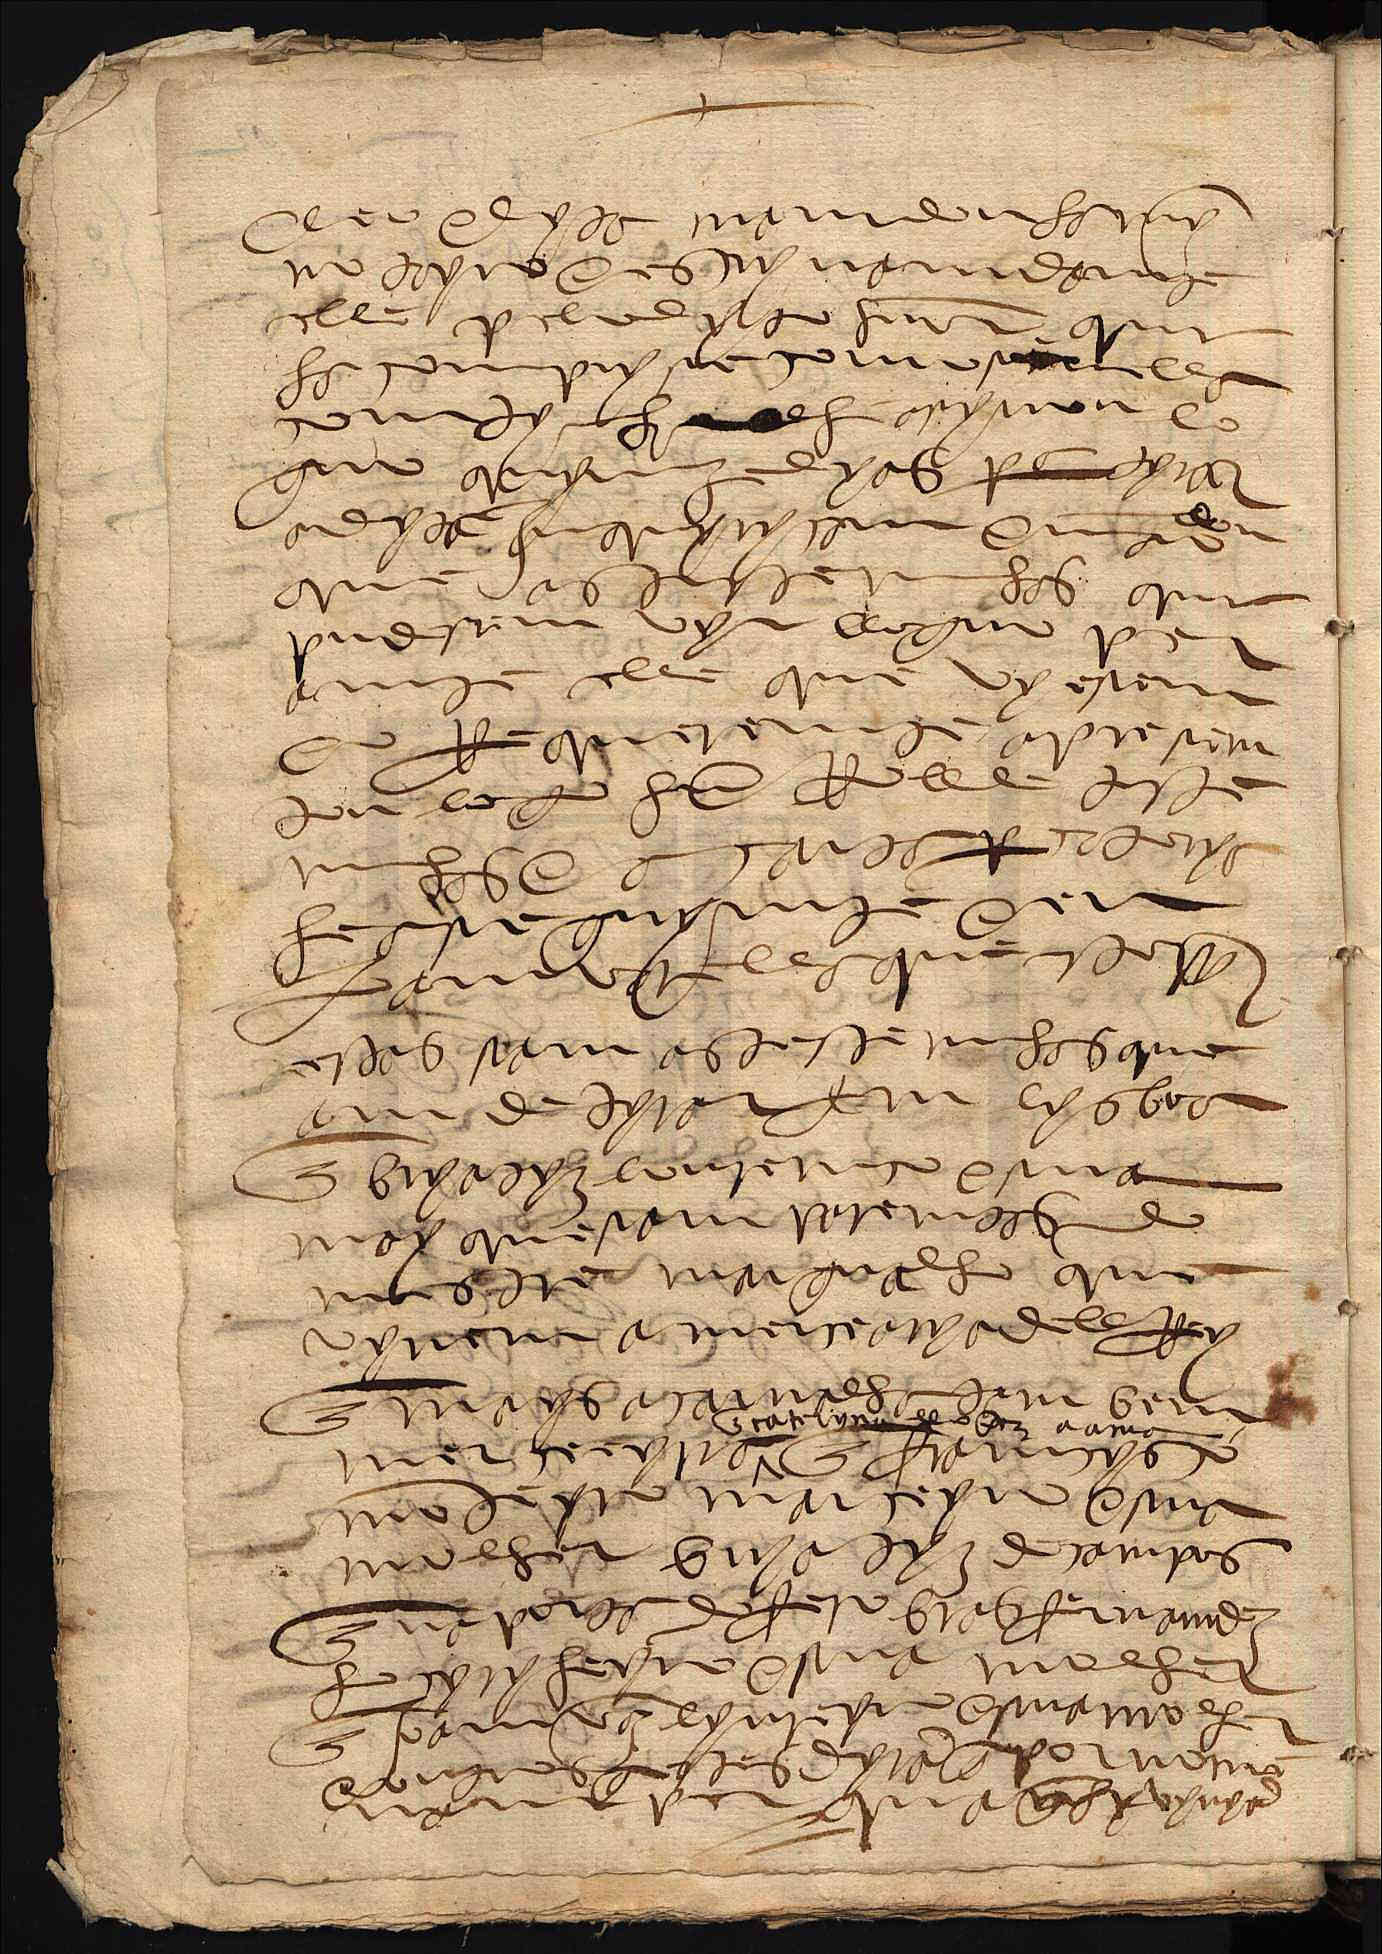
e leo e lyta mamdou ha mȳ
notayro e escryuam damte
elle pelo dyto Sn̄or que
ha compryse como se_nella
comtynha e lhe asynou lo
guo quynze dyas ꝑa tyrar
a dyta Jnquyrcam e mãodou
que as testemhas que
pudesem vyr lloguo per
amte elle que vyesem
e o Requeremte apresem
tou logo hū Roll de teste
muhas e a carta ꝑcatorya
he a seguymte e eu
Joam varella que esto sp̄j
estas sam as testemhas que
am de tyrar Em lysboa
item bryatyz lourenco e sua
may que sam paremtas do
mestre margualho que
vyuem a mercearya dell Rey
item mays a carualha tambem
merceeyra
item cateryna llop̄ez a ama
item framcysco
mōteyro marceyro e sua
molher bryatyz de campos
item na porta do fero bras fernamdez
ho cyryheyro e sua molher
item Joam v̄az lyureyro e sua molher
e outros q̄ estes dyrā q̄ por nome
nam perqua q̄ hy vyuyā
